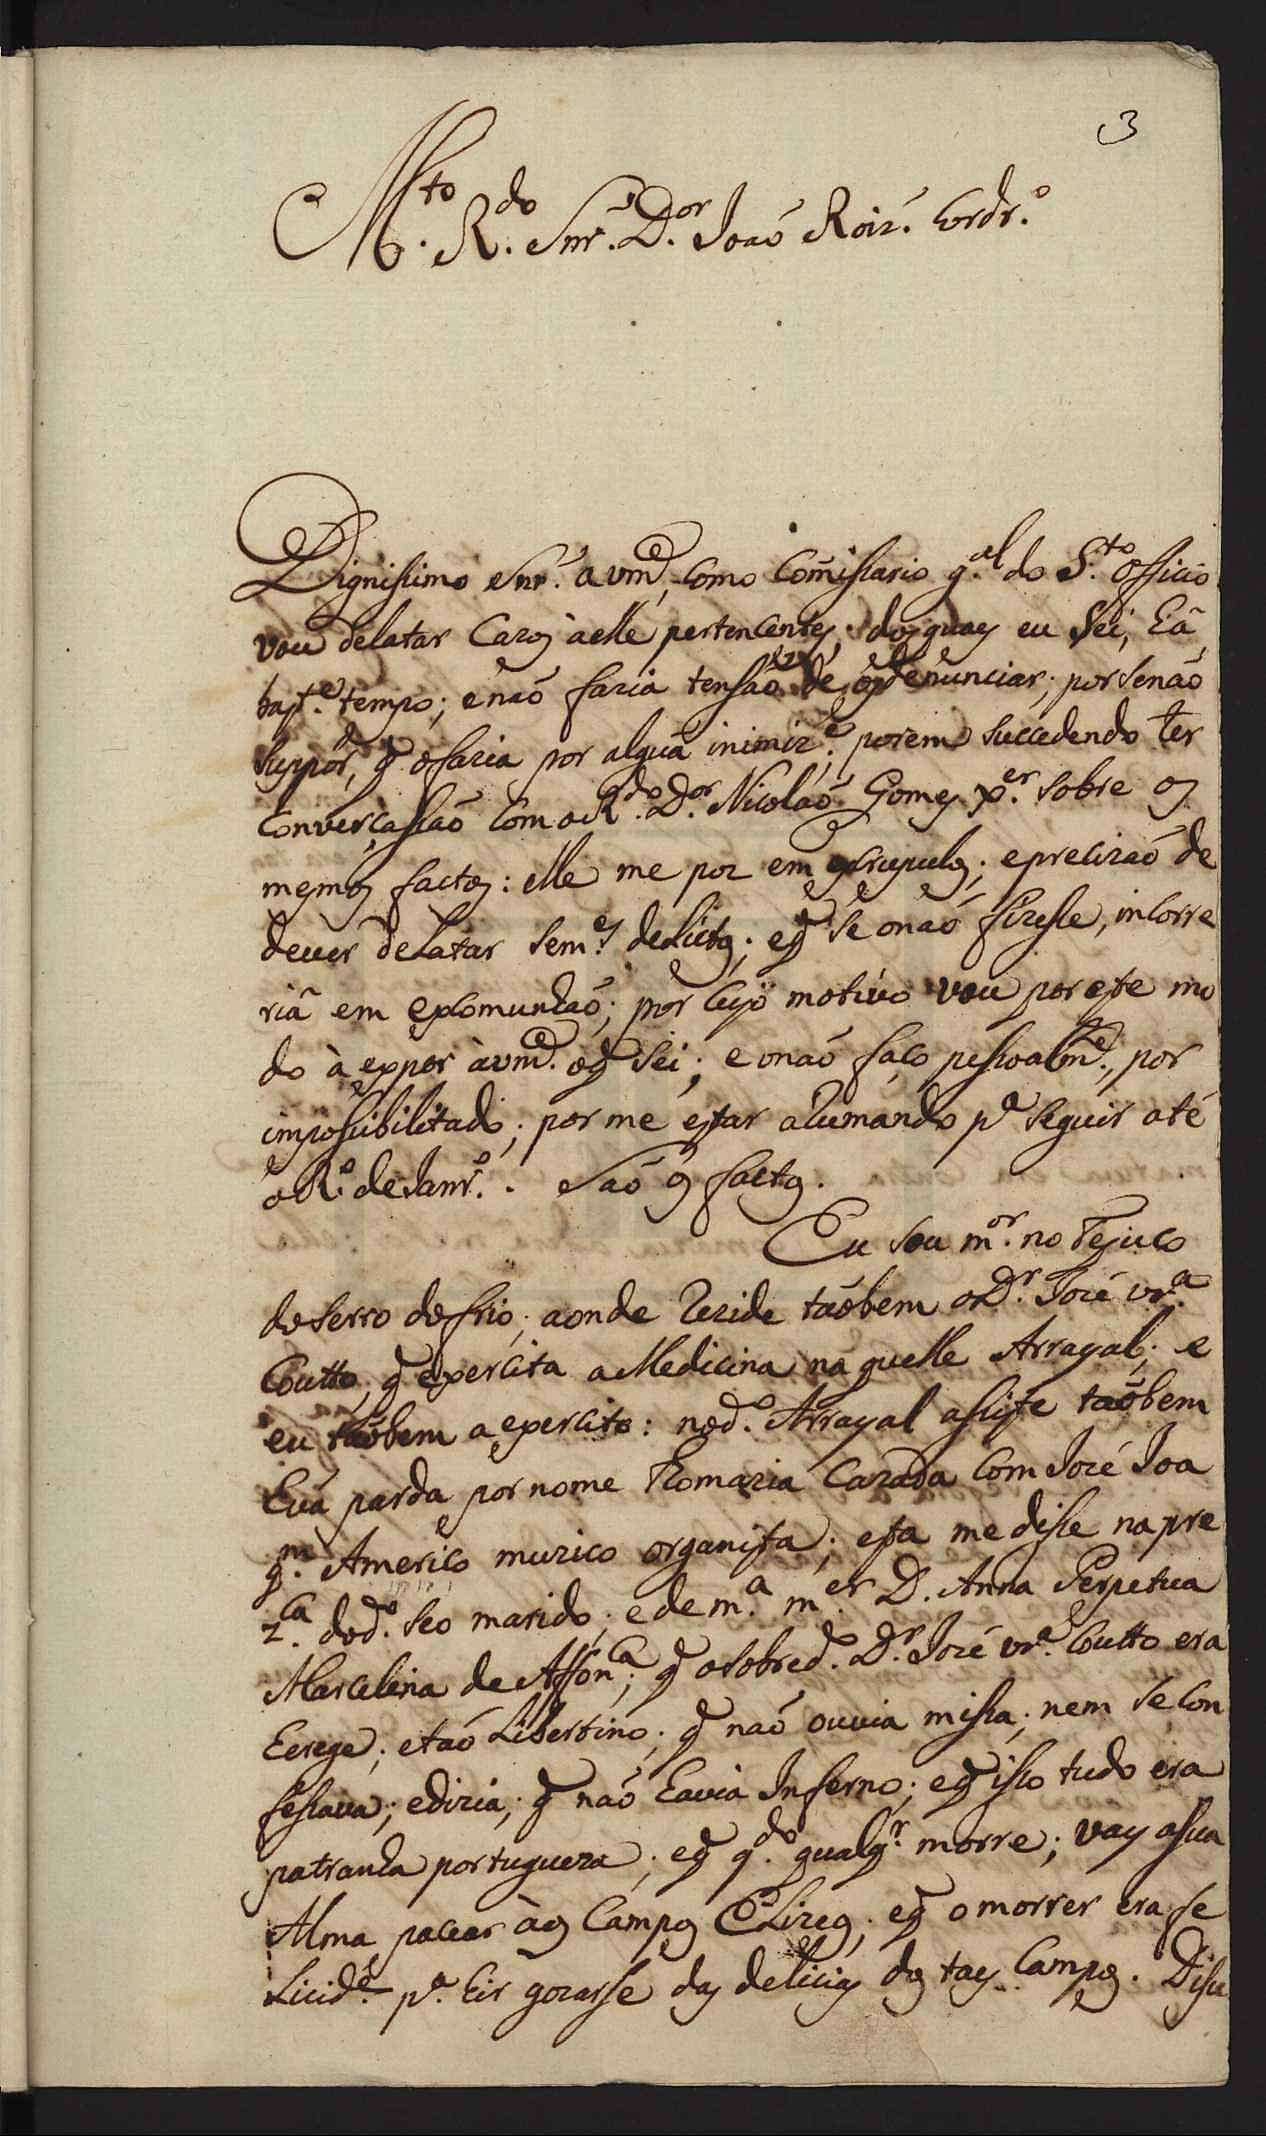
3
M.to R.do Snr̄. D.or Ioaõ Roiz̄. Cordr.o
Dignissimo Snr̄. a vmce, como Com̄issario g.al do S.to officio
vou delatar Cazos à elle pertencentes; dos quaes eu Sei, há
bast.e tempo; e naõ fazia tensaõ de os denunciar; por senaõ
Suppor, q̄ o fazia por alguā inimiz.e porem succedendo ter
converçassaõ com o R.do D.or Nicolaó Gomes x.er sobre os
mesmos factos: elle me poz em exCrupulos; e precizaõ de
deuer deLatar sem.es deLictos; e q̄ se o naõ fizesse, incorre
riã em excomunhaõ; por cujo motivo vou por este mo
do à expor à vm.ce o q̄ sei; e o naõ faço pessoalm.te, por
impossibilitado; por me estar aRumando pa seguir até
o R.o de Ianr.o .Saõ os factos.
Eu sou m.or no Tejuco
do Serro do frio; aonde Rezide taõbem o D.r Iozé vr.a
Coutto, q̄ exercita a Medicina naquelle Arrayal; e
eu taõbem a exercito: no d.o Arrayal assiste taõbem
huā parda por nome Thomazia cazada com Iozé Ioa
q.m Americo muzico organista; esta me disse na pre
z.ca do d.o seo marido; e de m.a m.er D. Anna Perpetua
Marcelina de Affon;ca; q̄ o sobred.o D.r Iozé vr.a Couto era
herege; e taõ Libertino; q̄ naõ ouuia missa; nem se con
fessaua; e dizia; q̄ naõ hauia Inferno; e q̄ isso tudo era
patranha portugueza; e q̄ q.do qualq.r morre; vay a sua
Alma pacear àos Campos ELizeos; e q̄ o morrer era fe
Licid.e p.a hir gozarse das delicias dos taes Campos. Disse
